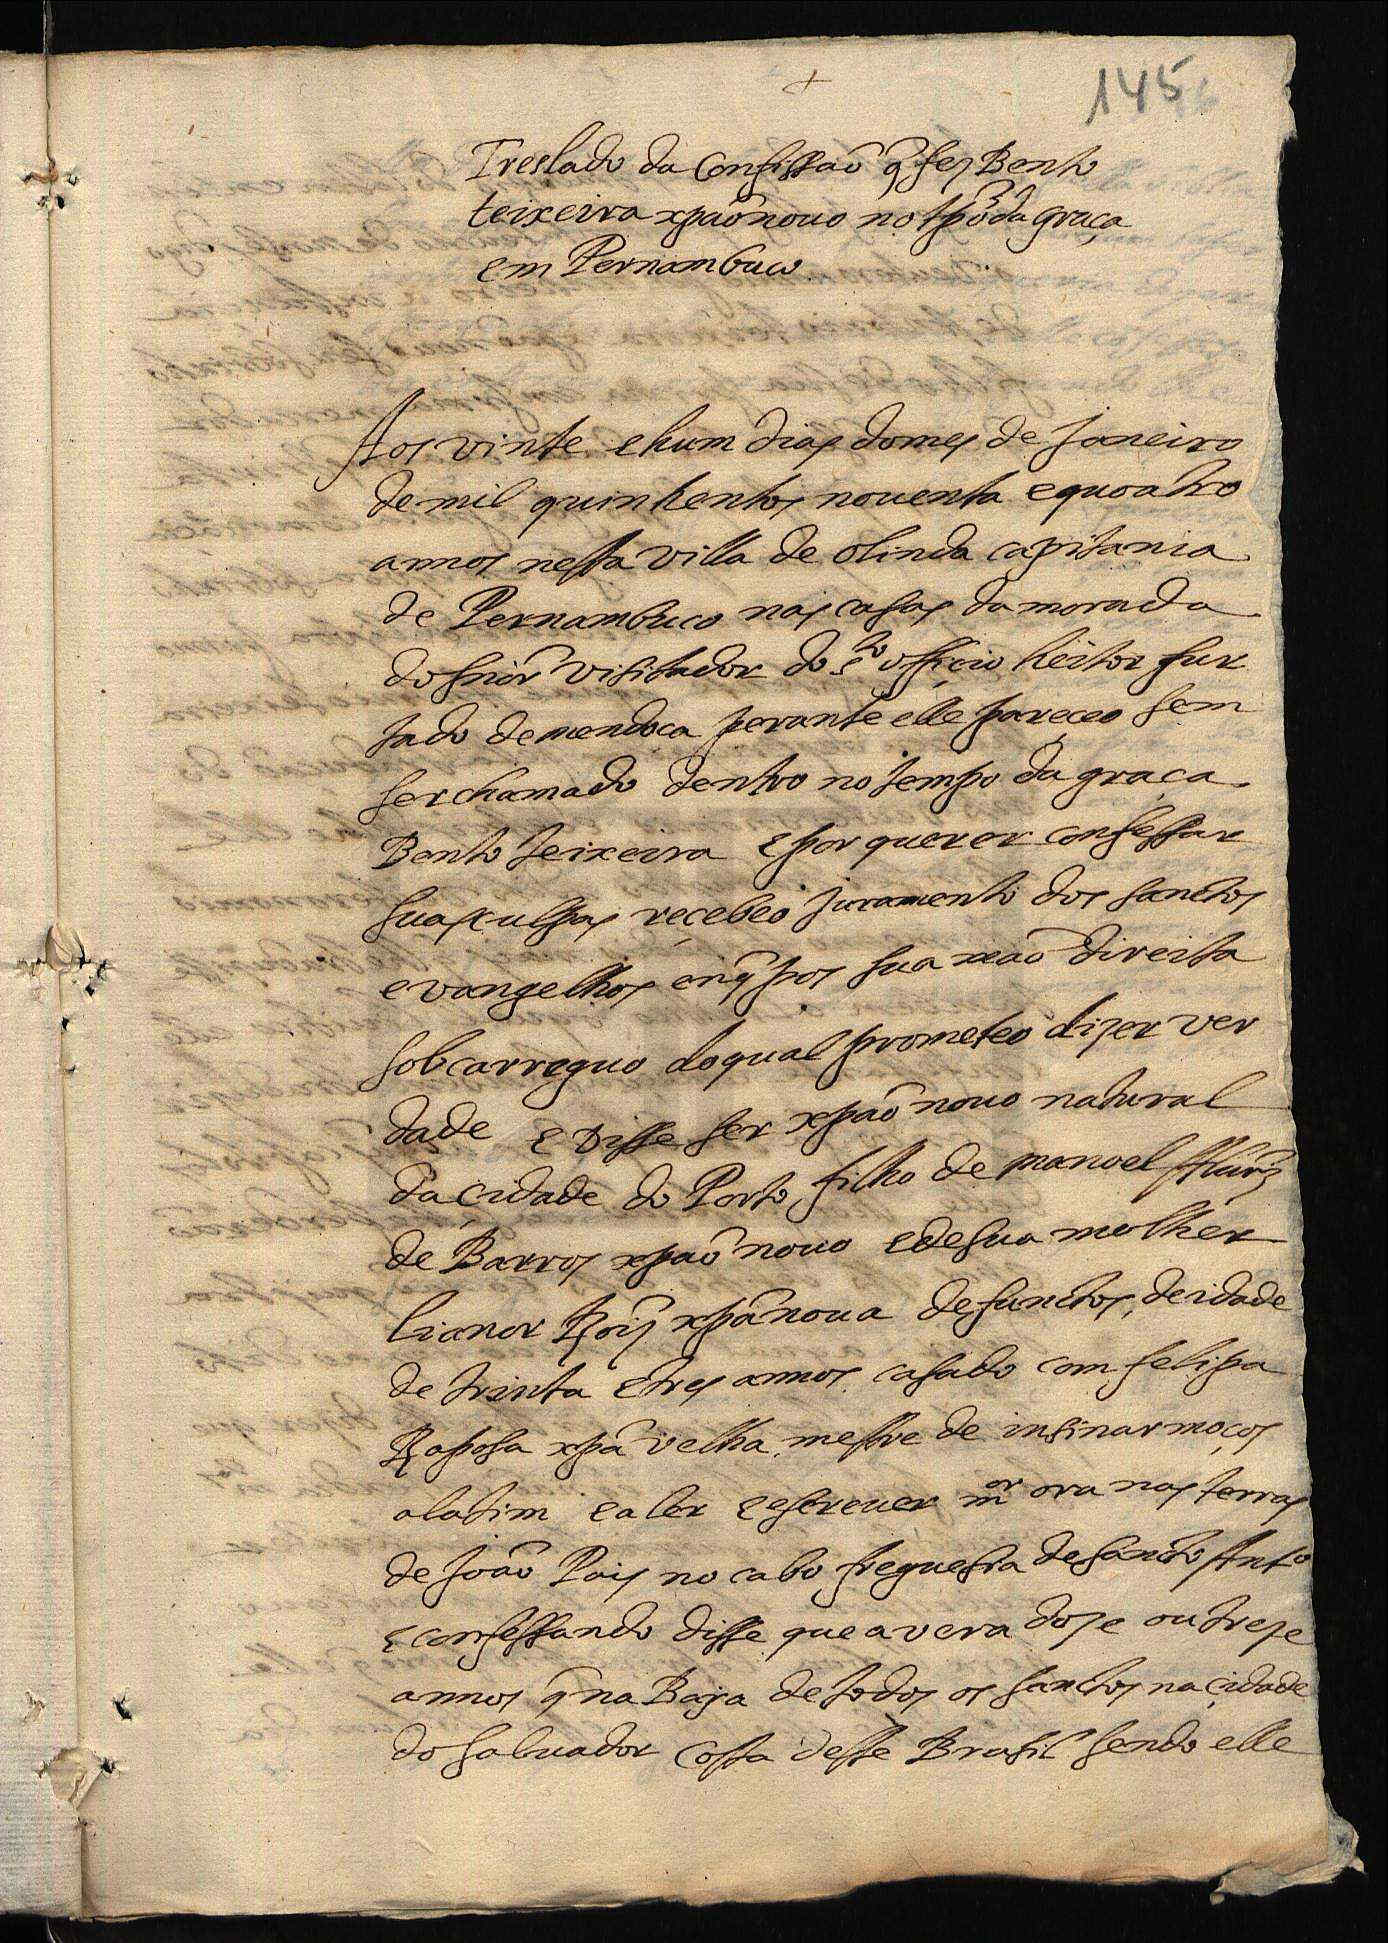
Treslado da confissaõ q̄ fez Bento
teixeira xpaõ nouo no tpō da graça
em Pernambuco
Aos vinte e hum dias do mes de Janeiro
de mil quinhentos nouenta e quoatro
annos nesta villa de olinda capitania
de Pernambuco nas casas da morada
do snor̄ visitador do sto offiçio heitor fur
tado de mendoça perante elle pareçeo sem
ser chamado dentro no tempo da graça
Bento teixeira E por querer confessar
suas culpas reçebeo Juramento dos sanctos
evangelhos en q̄ pos sua maõ direita
sob carreguo do qual prometeo dizer ver
dade E Disse ser xpaõ nouo natural
da çidade do Porto filho de maniel Alurz̄
de Barros xpaõ nouo E de sua molher
lianor Roiz̄ xpã noua defunctos, de idade
de trinta E tres anos casado com felipa
Raposa xpã velha, mestre de insinar moços
a latim e a ler E escreuer mor ora nas terras
de Joaõ Pais no cabo freguesia de Sancto Anto
E confessando disse que avera doze ou treze
annos q̄ na Baya de todos os Sanctos na çidade
do Saluador Costa desse Brasil sendo elle
